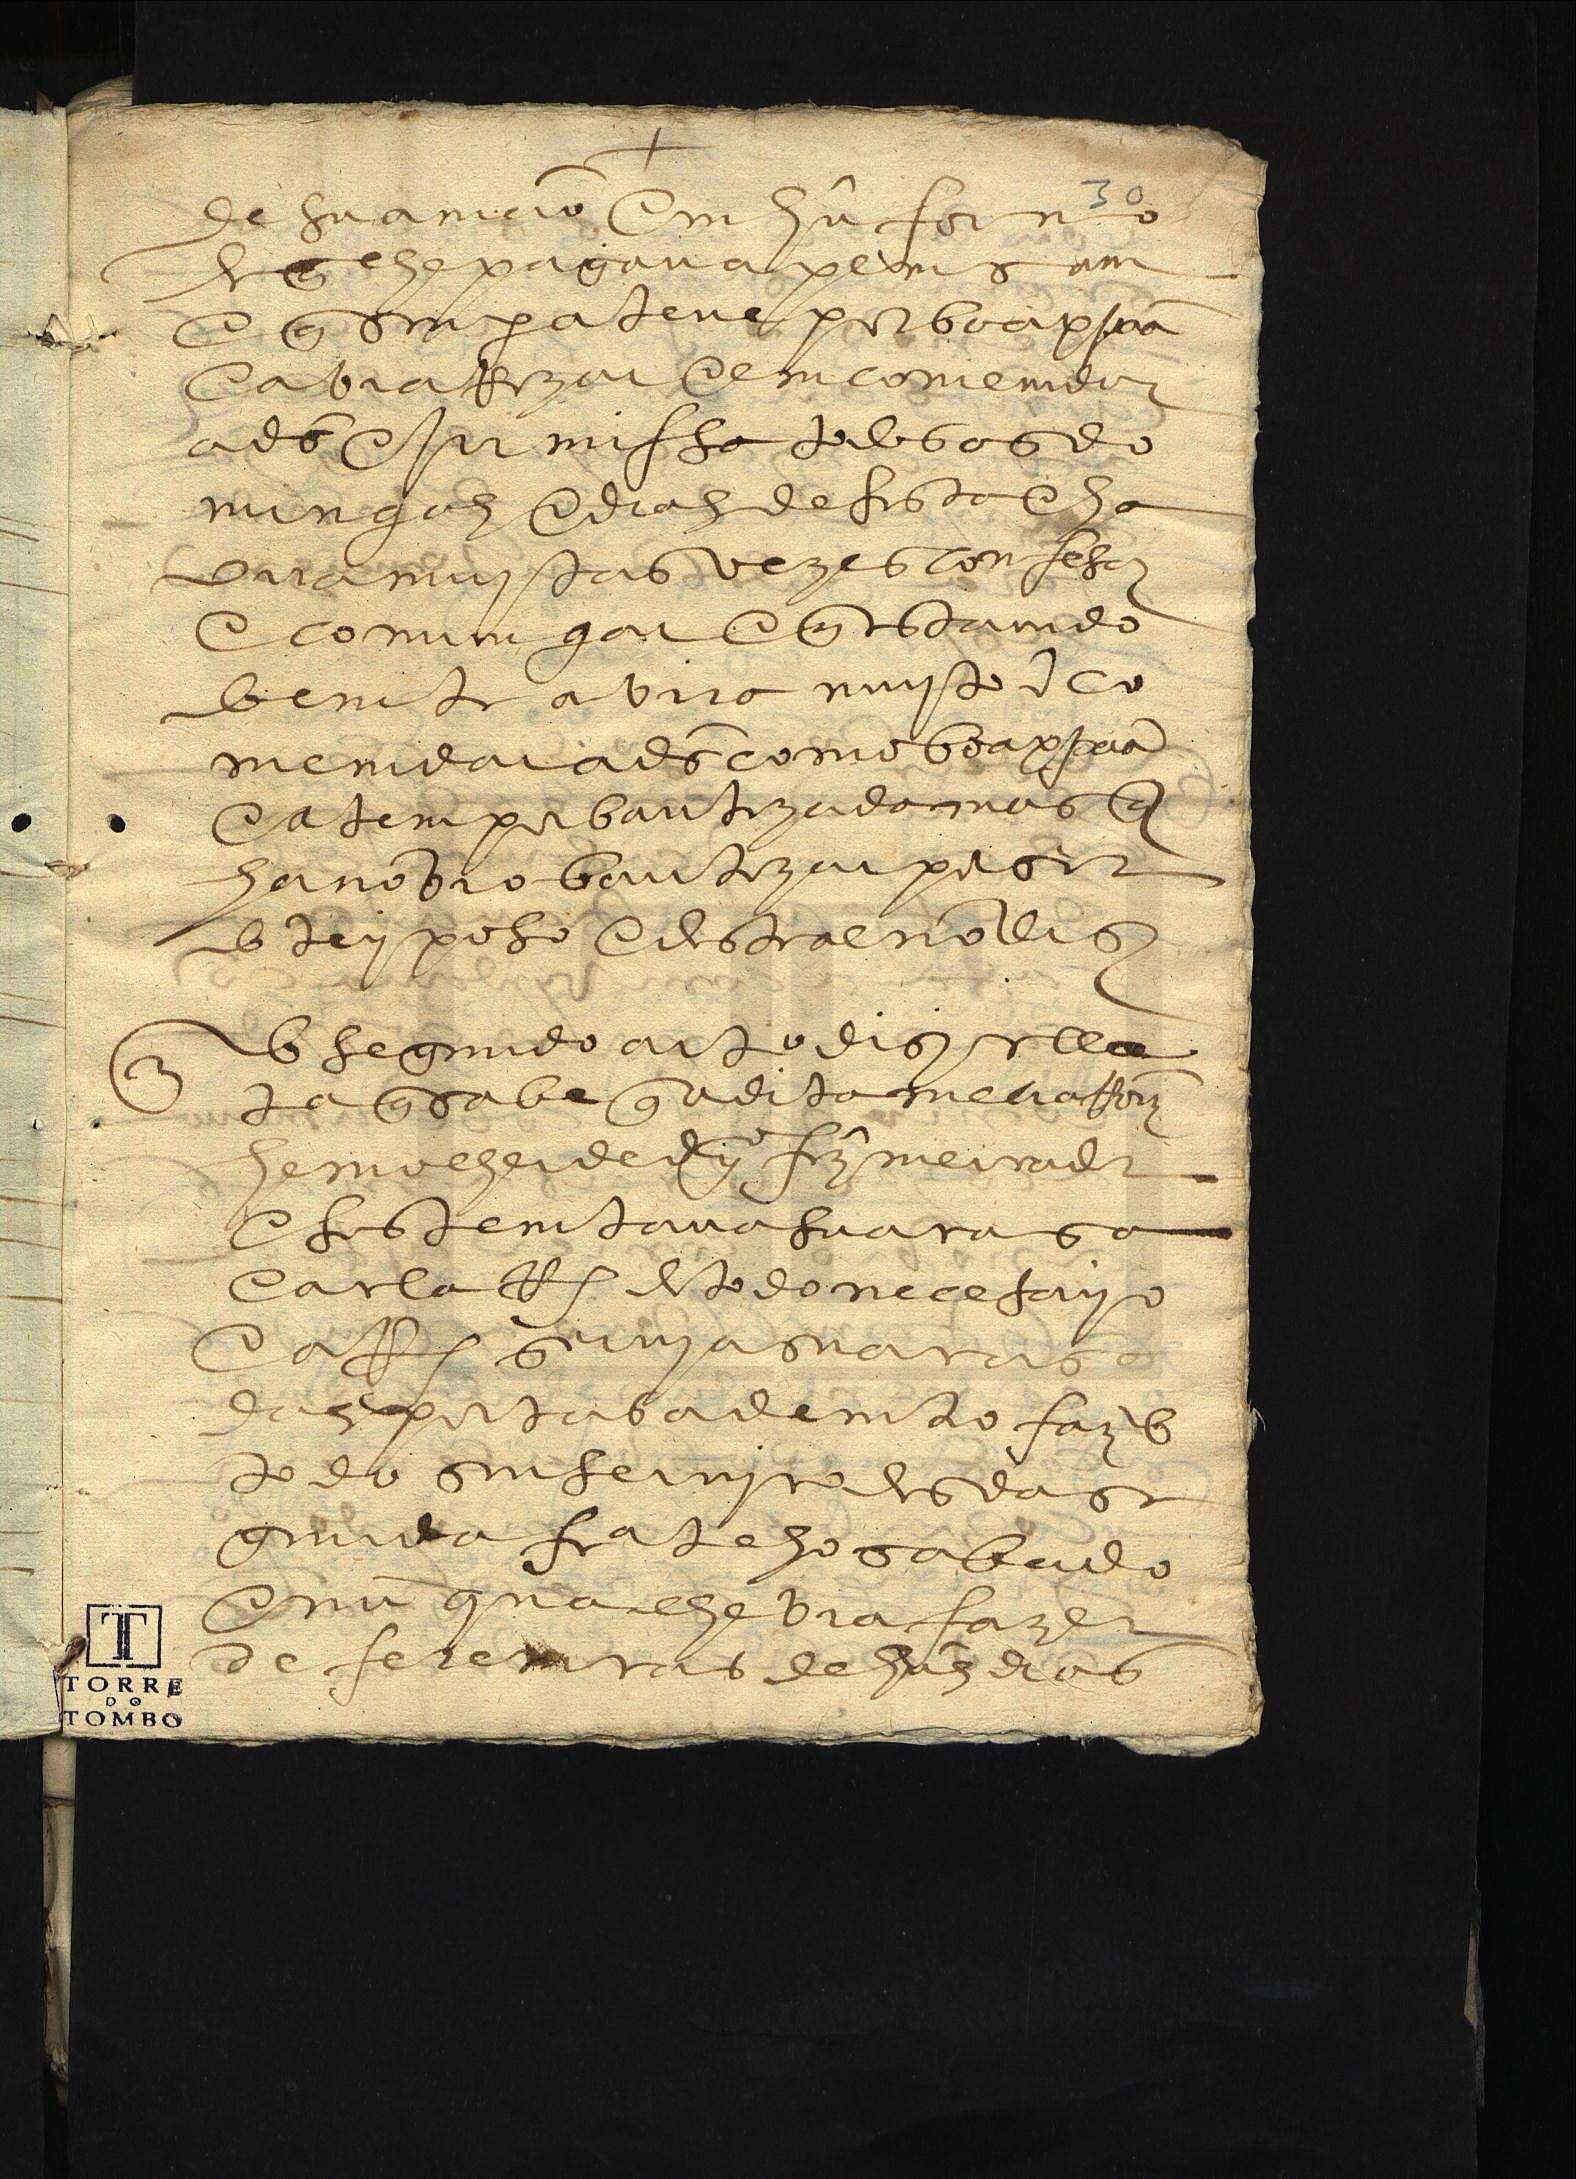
de sua maõ em hū forno
de q̄ lhe pagaua pemsam
e q̄ senꝑ a teue por boa xpaā
e a via Rezar e emcomemdar
a ds̄ e Jir missa todos os do
mingos e dias de festa e ha
vira mujtas vezes confesar
e comungar e q̄ estamdo
doemte a vira mujto ēco
memdar a ds̄ como boa xpaā
e a tem por bautizada mas q̄
ha nō vio bautizar por ser
do teyxoso e deste al nō disj
item do segumdo arto disj ella
ta q̄ sabe q̄ a dita mecia Roiz̄
he molher de dgo frz̄ mercador
e sostemtaua sua casa
e a ela Rꝭ de todo necesarjo
e a Rꝭ seruja sua casa
das portas ademtro faz̄do
todo seu serujco desda se
gunda fra te ho sabado
e nūqua lhe via fazer
deferemcas de hus̄ dias
